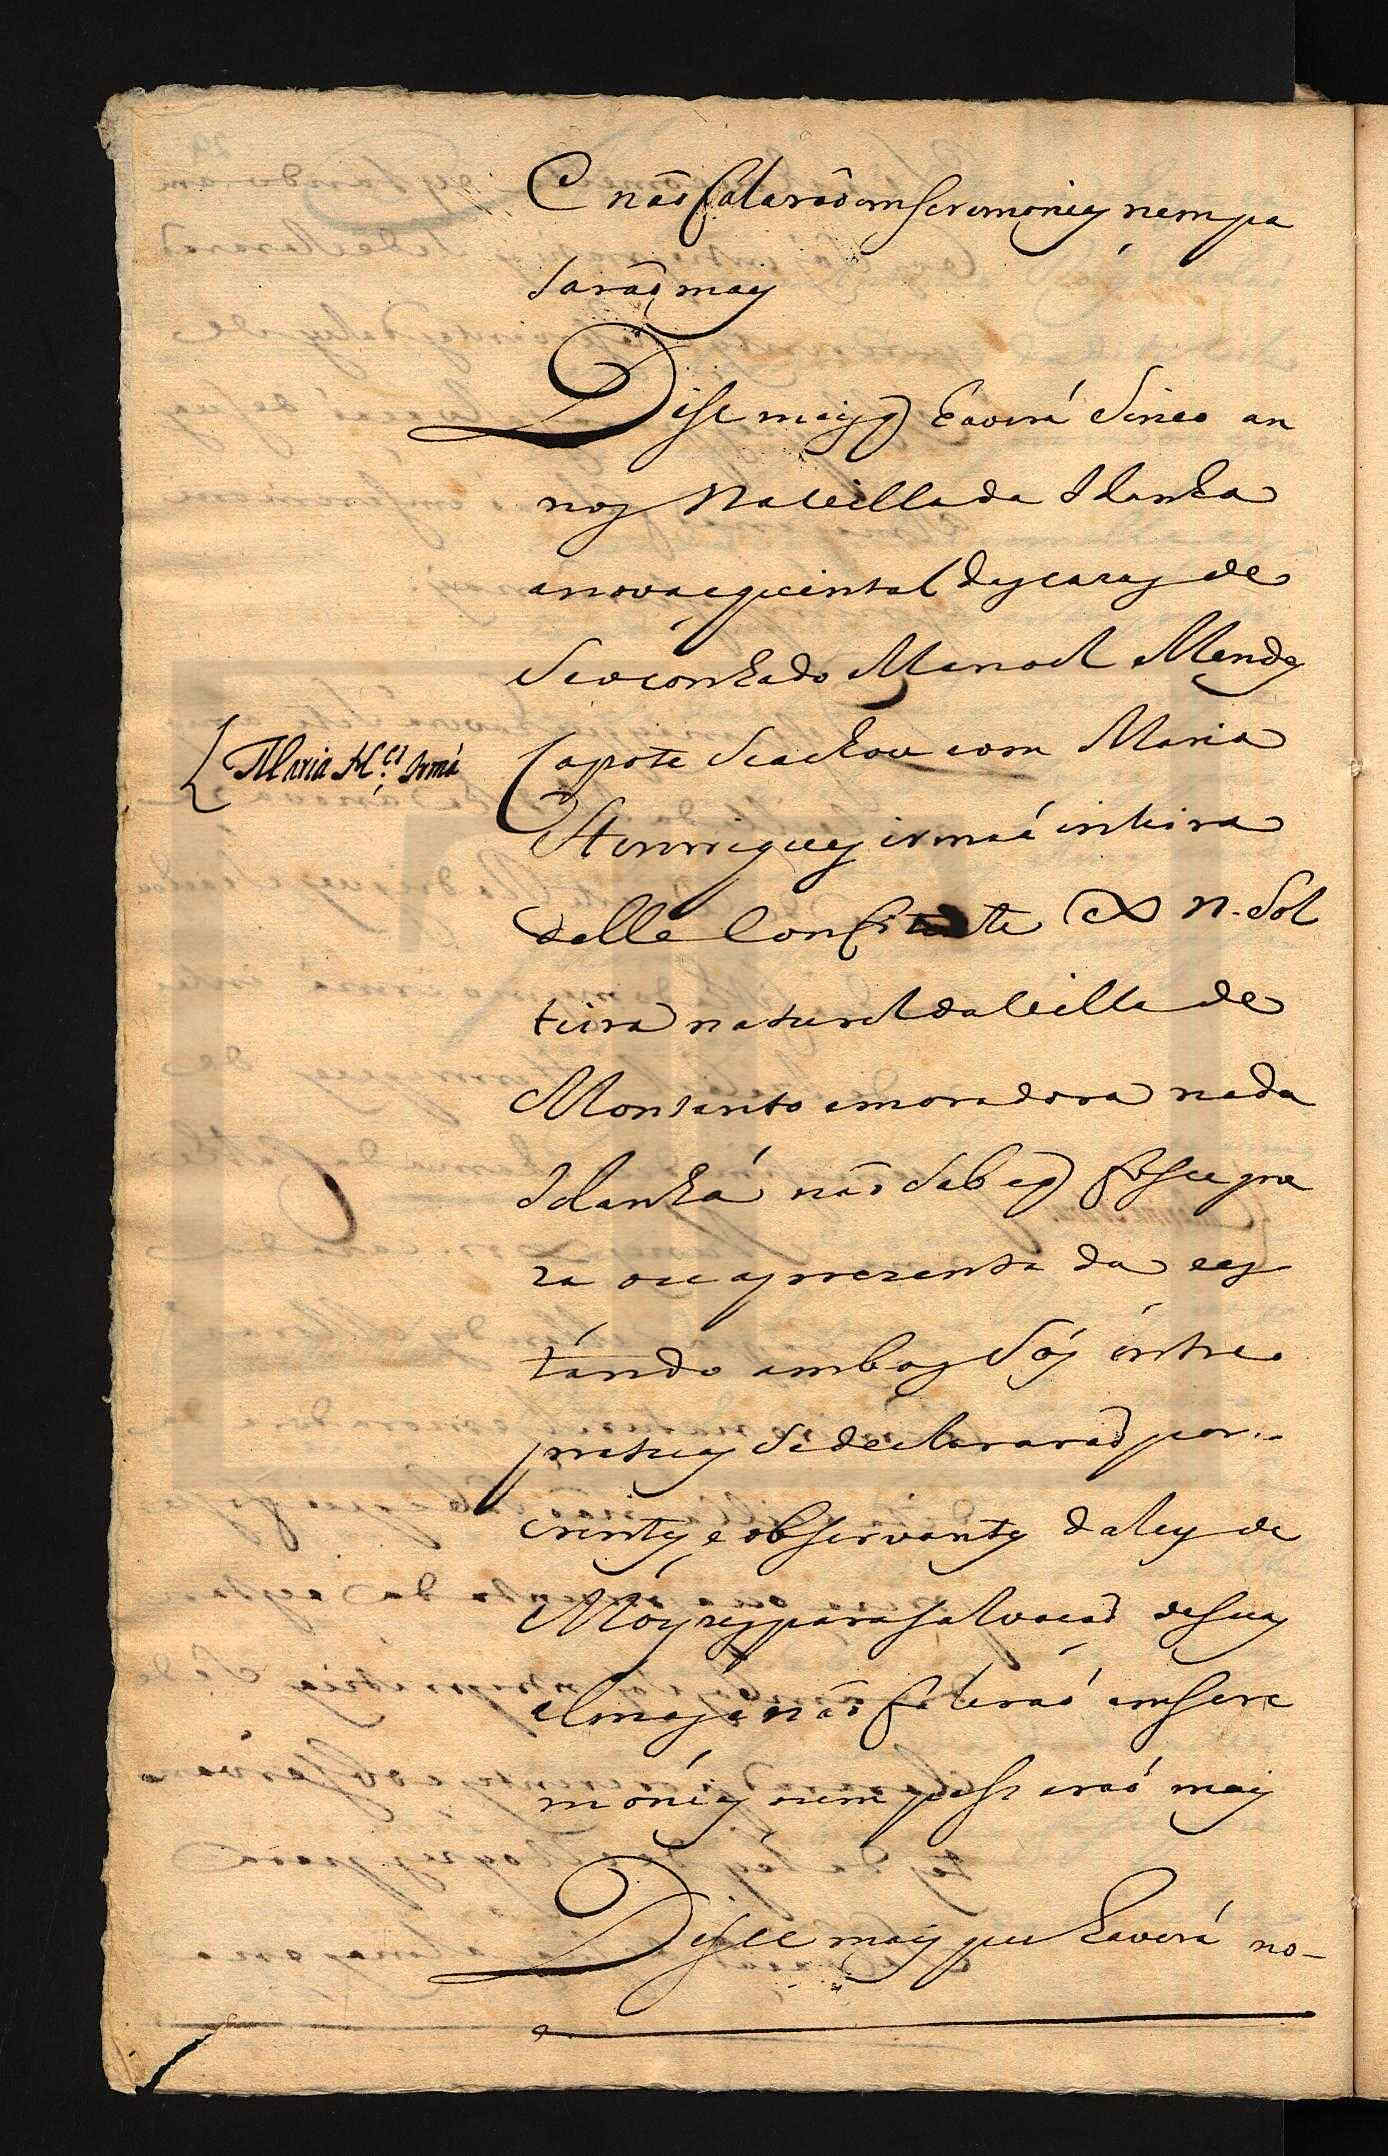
E naõ falaraõ em seremonias nem pa
sarão mais
Dise mais q̄ haverá Sinco an
nos na uilla da Idanha
a nova, e quintal das cazas de
seo conhado Manoel Mendes
Capote Se achou com Maria
Maria H.es, Irmã
Henriques irmaã inteira
delle Confitente x n. sol
teira natural da villa de
Monsanto e moradora na da
Idanha naõ sabe q̄ fosse pre
za ou aprezentada e es
tando ambos Sós entre
praticas se declararaõ por
crentes, e observantes da ley de
Moyzes para salvaçaõ de suas
almas e naõ falaraõ em sere
monias nem passaraõ mais
Disse mais que haverá no
